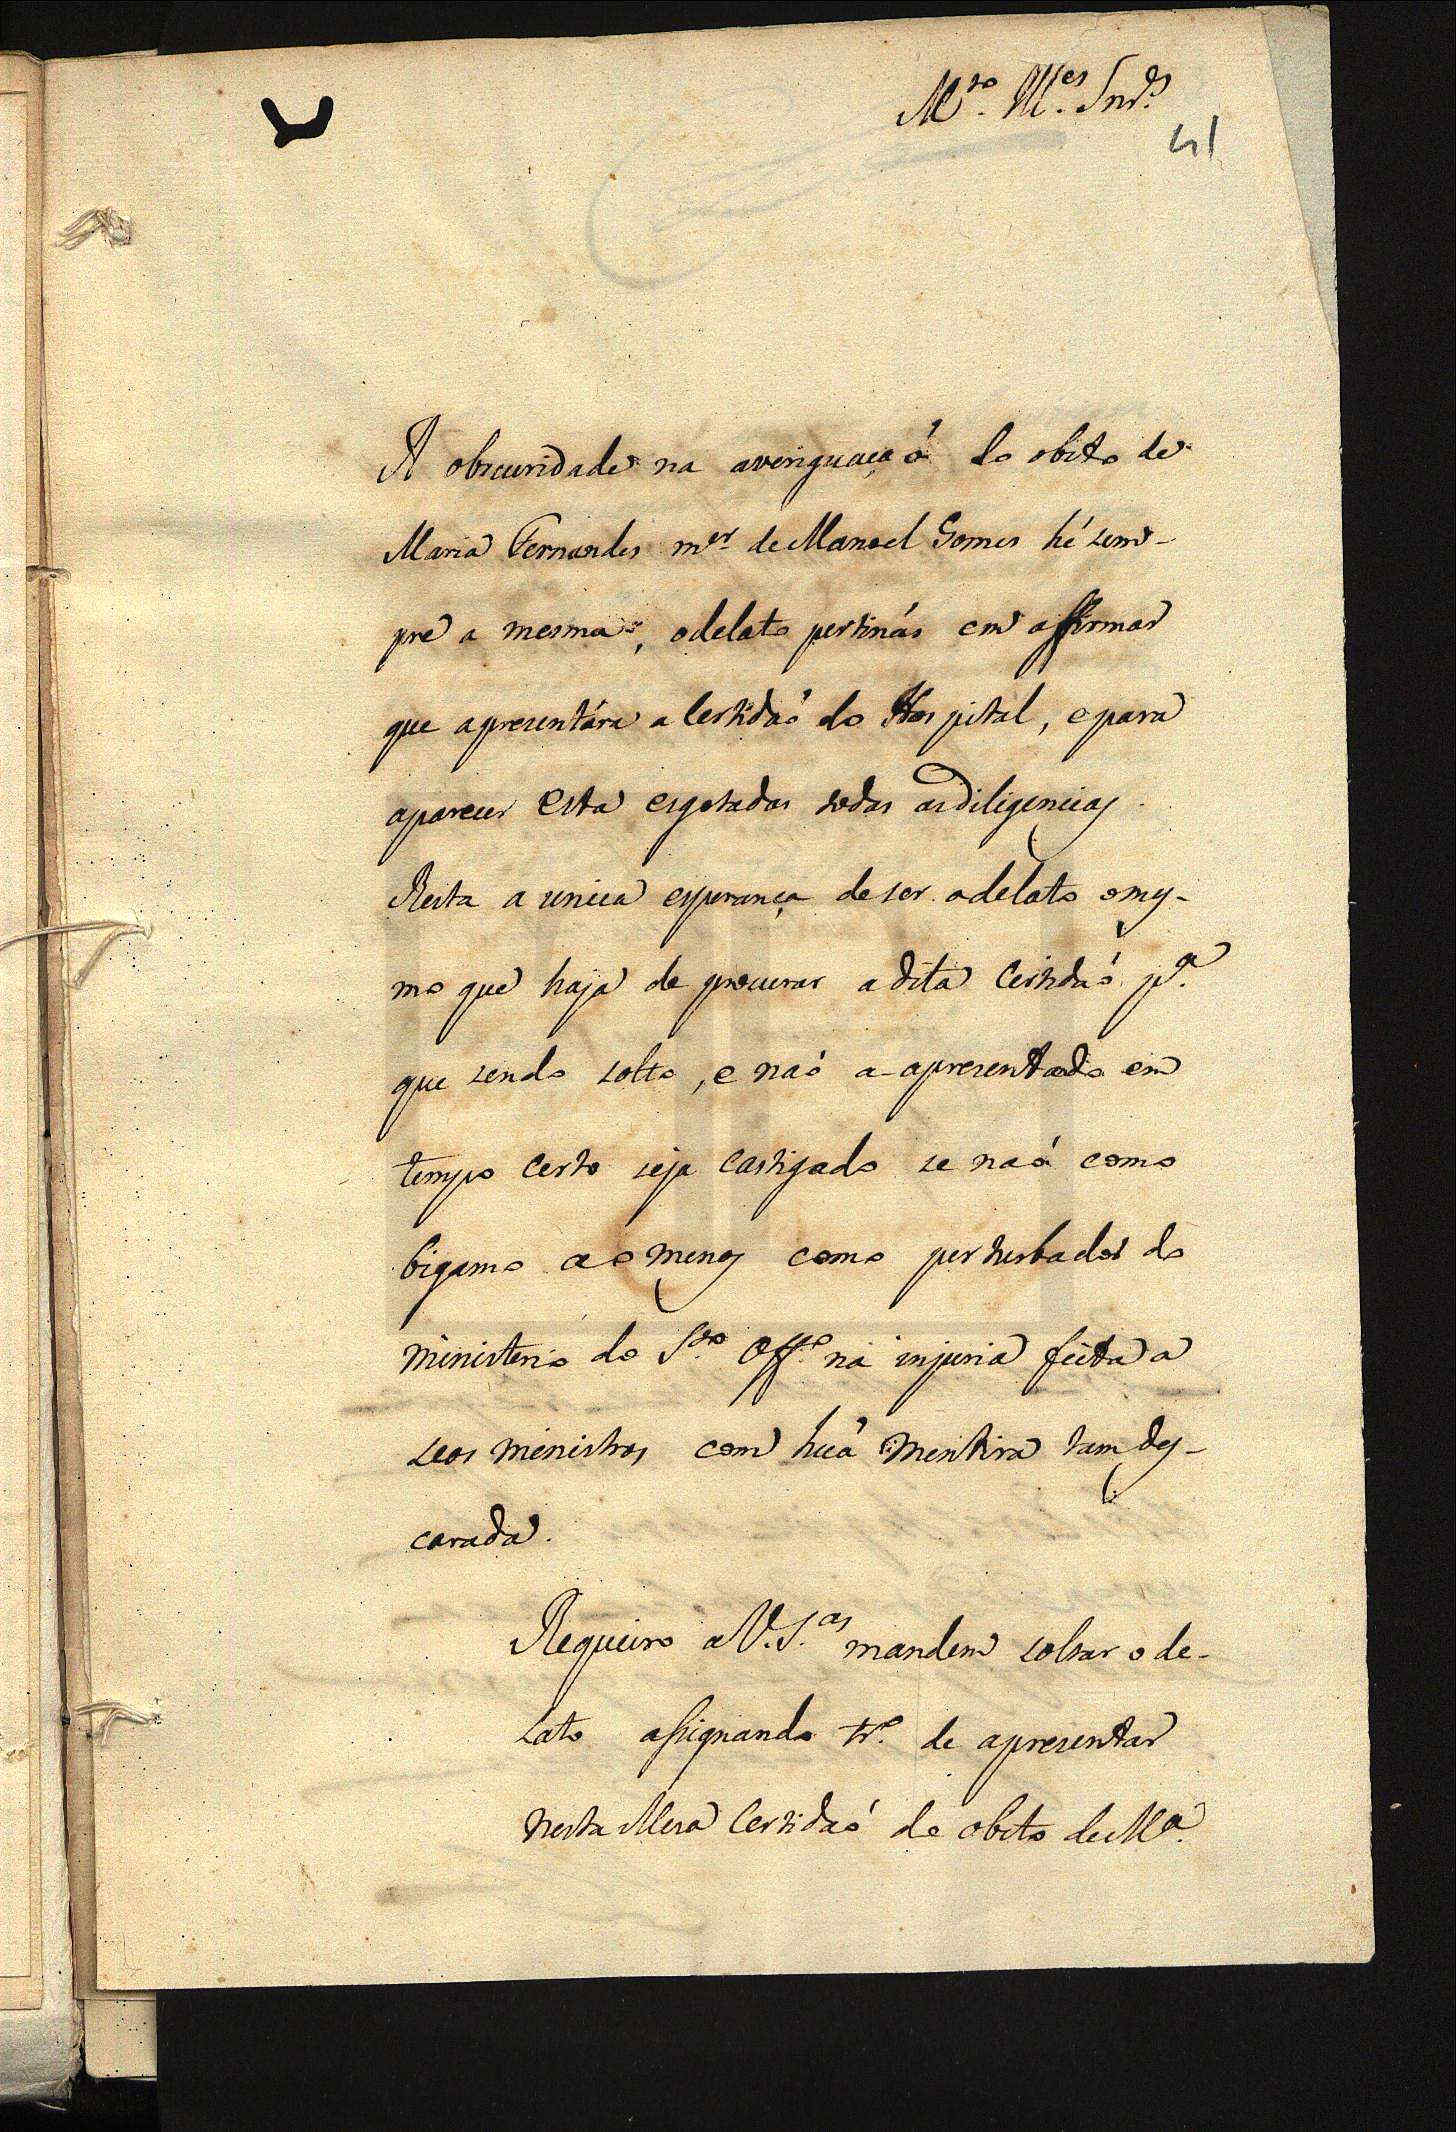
M.to Ill.es Snr.es
A obscuridade na averiguaçaõ do obito de
Maria Fernandes m.er de Manoel Gomes hé sem
pre a mesma, o delato pertinás em affirmar
que aprezentára a Certidaõ do Hospital, e para
aparecer esta esgotadas todas as diligencias
Resta a unica esperança de ser o delato o mes
mo que haja de procurar a dita Certidaõ p.a
que sendo solto, e naõ a aprezentando em
tempo certo seja castigado se naõ como
bigamo ao menos como perturbador do
ministerio do S.to Off.o na injuria feita a
seos ministros com huā mentira tam des
carada.
Requeiro a V. S.as mandem soltar o de
lato assignando tr.o de aprezentar
nesta Meza Certidaõ de obito de M.a
